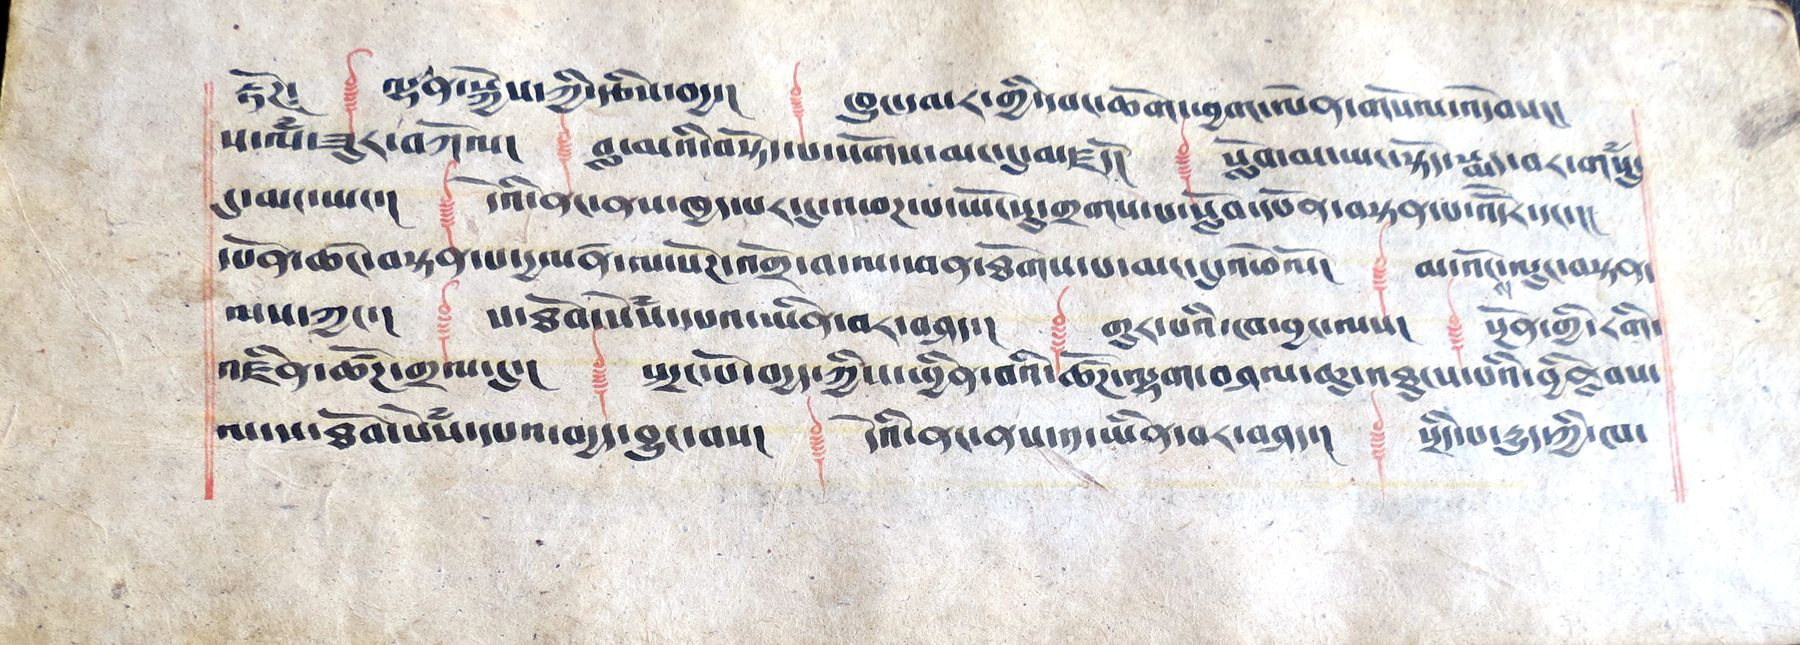རྟོགས་ལྷན་སྐྱེས་ཀྱི་རྩིས་རྒྱ། ཁྱུང་དམར་གྱི་དབང་ཆོག་ཕྱག་ལེན་གསོལ་འདེབས། 
ས་ལམ་ཟུར་བཀོལ། བླ་མའི་བསྟོད་པ་སོགས་མང་དུ་མཛད་དོ། སློབ་མ་ཡང་སྟོད་སྨད་བར་གསུམ་
དུ་མང་ཡང་། དེའི་ནང་ནས་ཁྱད་པར་དུ་འཕགས་པ་སློབ་དཔོན་བསྟན་པ་འོད་ཟེར་དང་། 
དཔོན་ཚང་བསྟན་པ་རྒྱལ་མཚན་ལ་སོགས་འགྲོ་བ་ལ་ཕན་ཐོགས་པ་མང་དུ་འཕེལ་ལོ། ། མ་འོངས་ལུང་བསྟན་
ལས་ཀྱང་། ས་ཐོབ་སེམས་དཔའ་ཡིན་པར་བཤད། གུར་༼དྲན༽པའི་ཁ་བྱང་ལས། སྔོན་གྱི་རིག་
འཛིན་ཚོགས་གྲལ་དུ་སྤྲང་པོ་བརྒྱད་ཀྱིས་ཕྱིན་པའི་ཚོགས་ལྷག་བཤལ་ཆུ་འཐུང་པའི་བྱིན་རླབས་
ལས་ཐོབ་པ་ས་ཐོབ་སེམས་དཔའ་བརྒྱད་བྱུང་བས་དེའི་ནང་ནས་གཅིག་ཡིན་པར་བཤད། སྲིད་པ་རྒྱུད་ཀྱི་ཁ་